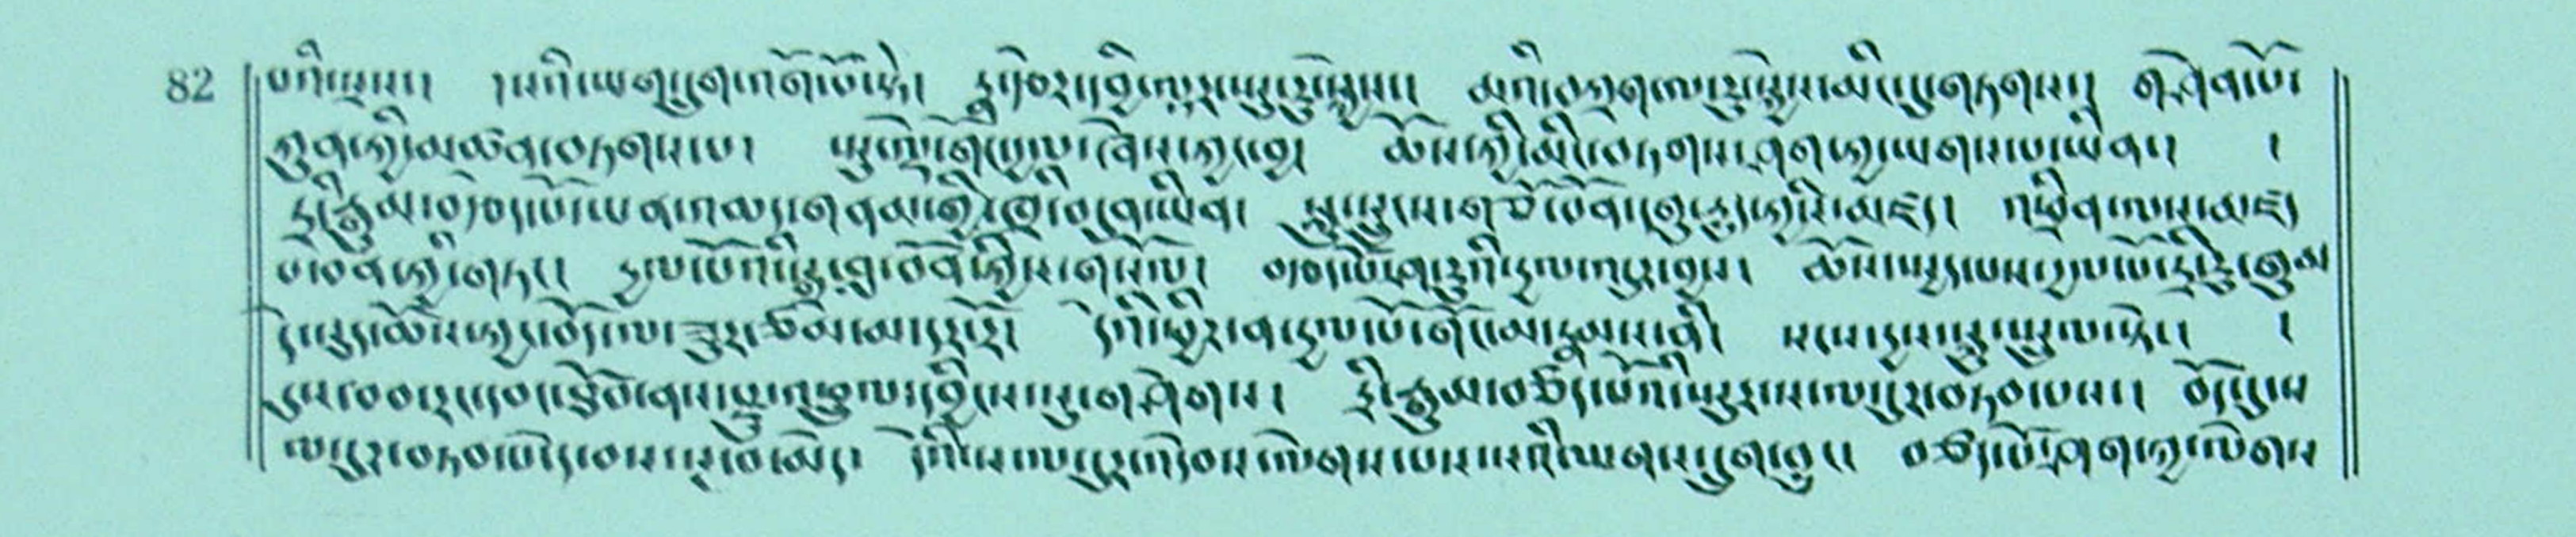པའི་སྲས། ས་ཡི་ལེགས་དྲུག་མགོ་བོ་སྟེ། རྣ་རྩེ་དབྱི་ལྟར་སྤུ་རུ་སྐྱེས། མའི་བཀྲག་ལ་རུ་སྐྱེས་མིང་དུ་བཏགས། གཤེན་པོ་
ཀུན་ཀྱི་མཚན་བཏགས་པ། སྤུ་དེ་གོང་རྒྱལ་ཞེས་ཀྱང་བྱ། ཆོས་ཀྱི་མིང་བཏགས་ཤག་ཀྱ་ཡགས་པ་ཡིན། 
གྲི་ཀུམ་བཙད་པོ་ཡན་ཆད་གནམ་གྱི་ཁྲི་བདུན་ཡིན། སྐུ་བསྲུངས་གཅོ་བོན་དགུ་རྒྱུད་ཀྱིས་མཛད། འཕྲིན་ལས་མཛད་
པ་བན་གྱི་གཏང་། རྒྱལ་བོའི་སྒྲ་བླ་བོན་གྱིས་གསོལ། བཙད་པོ་ཤ་རུའི་རྒྱལ་འདུར་བྱས། ཆོས་སྤྱད་པས་རྒྱལ་བོ་གྲི་རུམ་བཀུམས། 
དེ་སླད་ཆོས་ཀྱང་བོན་ལ་ཟུར་ཙམ་མ་དར་རོ། །དེའི་ཕྱིར་ན་རྒྱལ་བོ་གོང་མ་རྣམས་ནི། སངས་རྒྱས་སྐུ་སྤྲུལ་ཏེ།
 དུས་བབས་རང་དབང་ཐོབ་ནས་རྫུ་འཕྲུལ་དབྱིངས་སུ་གཤེགས་སོ། །གྲི་ཀུམ་བཙན་པོའི་སྤུར་ས་ལ་དུར་བཏབས་པས། བོད་དུ་ས་
ལ་དུར་བཏབས་པ་དེ་བས་སྔ་བ་མེད། དེའི་ས་ལ་དུར་འདེབས་ལེགས་པས་སའི་ལེགས་དྲུག་བྱུང་། བཙད་པོ་ཤག་ཀྱ་ལེགས་